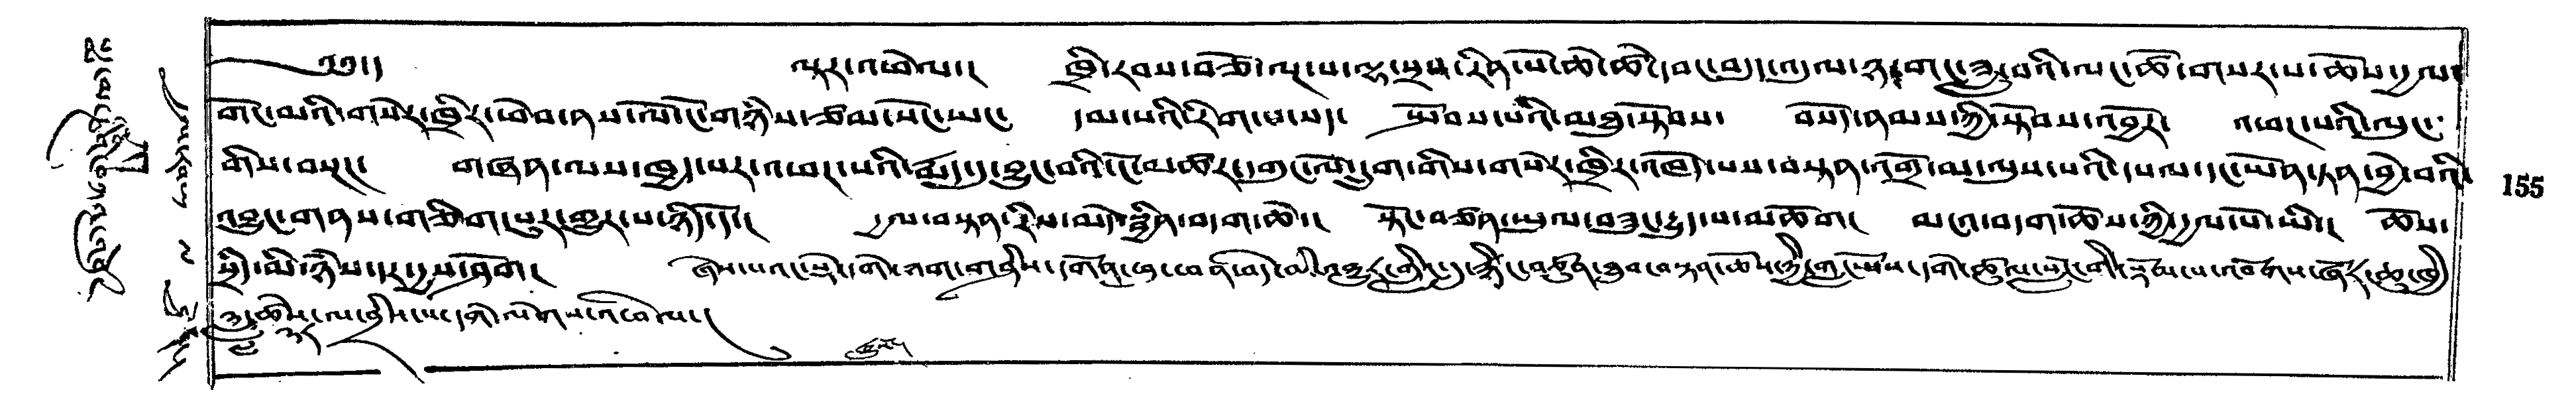ལྟར་འཕེལ། ཁྲི་རབས་བཅོ་ལྔ་པ་ལྷ་སྲས་རིན་པོ་ཆེ་ཚེ་དབང་འདུད་འདུལ་ཉ་གང་ཟླ་བའི་ལང་ཚོ་གསར་པ་ཆོས་རྒྱལ་
གོང་མའི་གསེར་ཁྲིར་ཕེབས་ནས་ལོ་ངོ་གཉིས་ཙམ་སོང་ཞིང་། དམ་པའི་རིགས་སད། སྤོབས་པའི་མཐུ་སྟོབས་རྒྱས། བསོད་ནམས་ཀྱི་སྟོབས་འབྱོར། འཕགས་པའི་ལུང་
གིས་བསྔགས། གཞན་ལས་ཁྱད་པར་འཕགས་པའི་རྨད་དུ་བྱུང་བའི་ངོ་མཚར་དགུང་ལོ་དྲུག་གི་ཐོག་ཏུ་གསེར་ཁྲིར་འཁོད་པས་བསྟན་འགྲོ་མ་ལུས་པའི་དཔལ་དང་ཡོན་ཏན་བྱེ་བའི་
འབྱུང་གནས་གཅིག་པུར་གྱུར་པ་ཉིད་དོ། རྒྱལ་བསྟན་རིས་མེད་སྦྱིན་བདག་ཆེ། །སྟོབས་བཙན་ཡུལ་བཟུང་རྒྱུད་པ་མཆོག །མངའ་བདག་ཆོས་ཀྱི་རྒྱལ་པོ་ཡི། །ཆོས་
སྲིད་མི་ཉམས་དར་རྒྱས་ཤོག ། ཅེས་པའང་སྡེ་དགེ་ཉག་གཤིས་དགོན་ཕུ་ཕན་བདེ་མི་འགྱུར་གླིང་དུ་རྙིང་བཙུན་ཐུབ་བསྟན་ཆོས་ཀྱི་གླང་པོས་དགེ་ཚུལ་སློང་གི་སྡོམ་པ་འབོགས་ཞོར་ཆུ་ཁྱི་
ཟླ་ ༤ ཚེས་ ༢༨ ལ་བྲིས་པ་དགེ་ལེགས་འཕེལ།། ཞུས་སོ།། །།